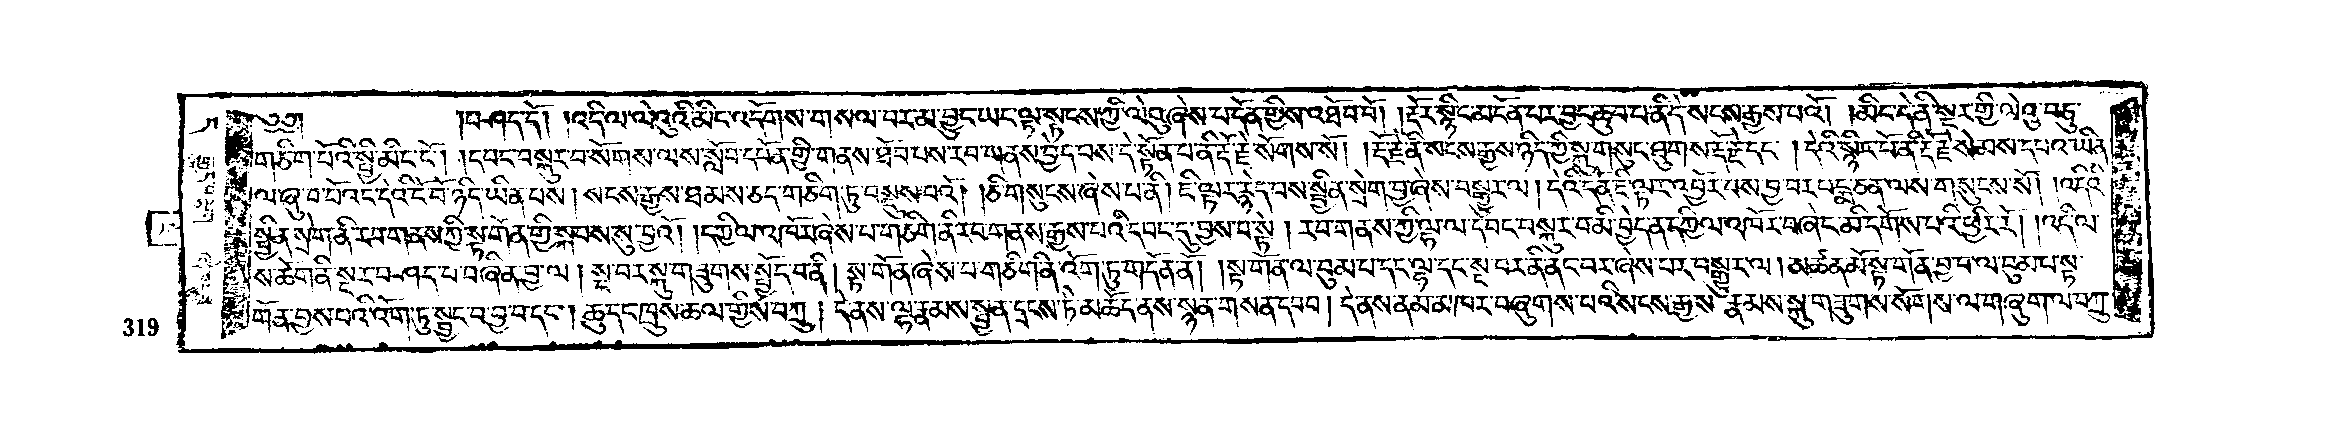༄༅། །བཤད་དོ། །འདི་ལ་ལེའུའི་མིང་འདོགས་གསལ་བར་མ་བྱུང་ཡང་ལྟ་སྟངས་ཀྱི་ལེའུ་ཞེས་པ་དོན་གྱིས་འཐོབ་བོ། །རྡོར་སྙིང་མངོན་པར་བྱང་ཆུབ་པ་ནི་དེ་སངས་རྒྱས་པའོ། །མིང་དེ་ནི་སྔར་གྱི་ལེའུ་བཅུ་
གཅིག་པོའི་སྤྱི་མིང་ངོ། །དབང་བསྐུར་བ་སོགས་ལས་སློབ་དཔོན་གྱི་གནས་ཐོབ་པས་རབ་གནས་བྱེད་པས་དེ་སྟོན་པ་ནི་རྡོ་རྗེ་སོགས་སོ། །རྡོ་རྗེ་ནི་སངས་རྒྱས་ཉིད་ཀྱི་སྐུ་གསུང་ཐུགས་རྡོ་རྗེ་དང་། དེའི་སྙིང་པོ་ནི་རྡོ་རྗེ་སེམས་དཔའ་ཡིན་
ལ་ཞུ་བ་པོའང་དེའི་ངོ་བོ་ཉིད་ཡིན་པས། སངས་རྒྱས་ཐམས་ཅད་གཅིག་ཏུ་བསྡུས་པའོ། །ཅི་གསུངས་ཞེས་པ་ནི། ཇི་ལྟར་རྙེད་པས་སྦྱིན་སྲེག་བྱ་ཞེས་བསྒྱུར་ལ། དེའི་དོན་ཇི་ལྟར་འབྱོར་བས་བྱ་བར་པདམ་ཅན་ལས་གསུངས་སོ། །འདིའི་
སྦྱིན་སྲེག་ནི་རབ་གནས་ཀྱི་སྟ་གོན་གྱི་སྐབས་སུ་བྱའོ། །དཀྱིལ་འཁོར་ཞེས་པ་གཅིག་ནི་རབ་གནས་རྒྱས་པའི་དབང་དུ་བྱས་པ་སྟེ། རབ་གནས་ཀྱི་ལྷ་ལ་དབང་བསྐུར་བ་མི་བྱེད་ན་དཀྱིལ་འཁོར་བཞེང་མི་དགོས་པའི་ཕྱིར་རོ། །འདི་ལ་
ས་ཆོག་ནི་སྔར་བཤད་པ་བཞིན་བྱ་ལ། སྔ་བར་སྐུ་གཟུགས་སྤྱོད་བ་ནི། སྟ་གོན་ཞེས་པ་གཅིག་ནི་འོག་ཏུ་གདོན་ནོ། །སྟ་གོན་ལ་བུམ་པ་དང་ལྷ་དང་སྔ་བར་ནི་ནང་བར་ཞེས་པར་བསྒྱུར་ལ། མཚན་མོ་སྟ་གོན་བྱ་བ་ལ་བུམ་པ་སྟ་
གོན་བྱས་པའི་འོག་ཏུ་སྦྱང་བ་བྱ་བ་དང་། ཆུ་དང་ཁྲུས་ཆལ་གྱིས་བཀྲུ། དེ་ནས་ལྷ་རྣམས་སྤྱན་དྲངས་ཏེ་མཆོད་ནས་སྙན་གསན་དབབ། དེ་ནས་ནམ་མཁར་བཞུགས་པའི་སངས་རྒྱས་རྣམས་སྐུ་གཟུགས་སོགས་ལ་གཞུག་ལ་བཀྲུ་